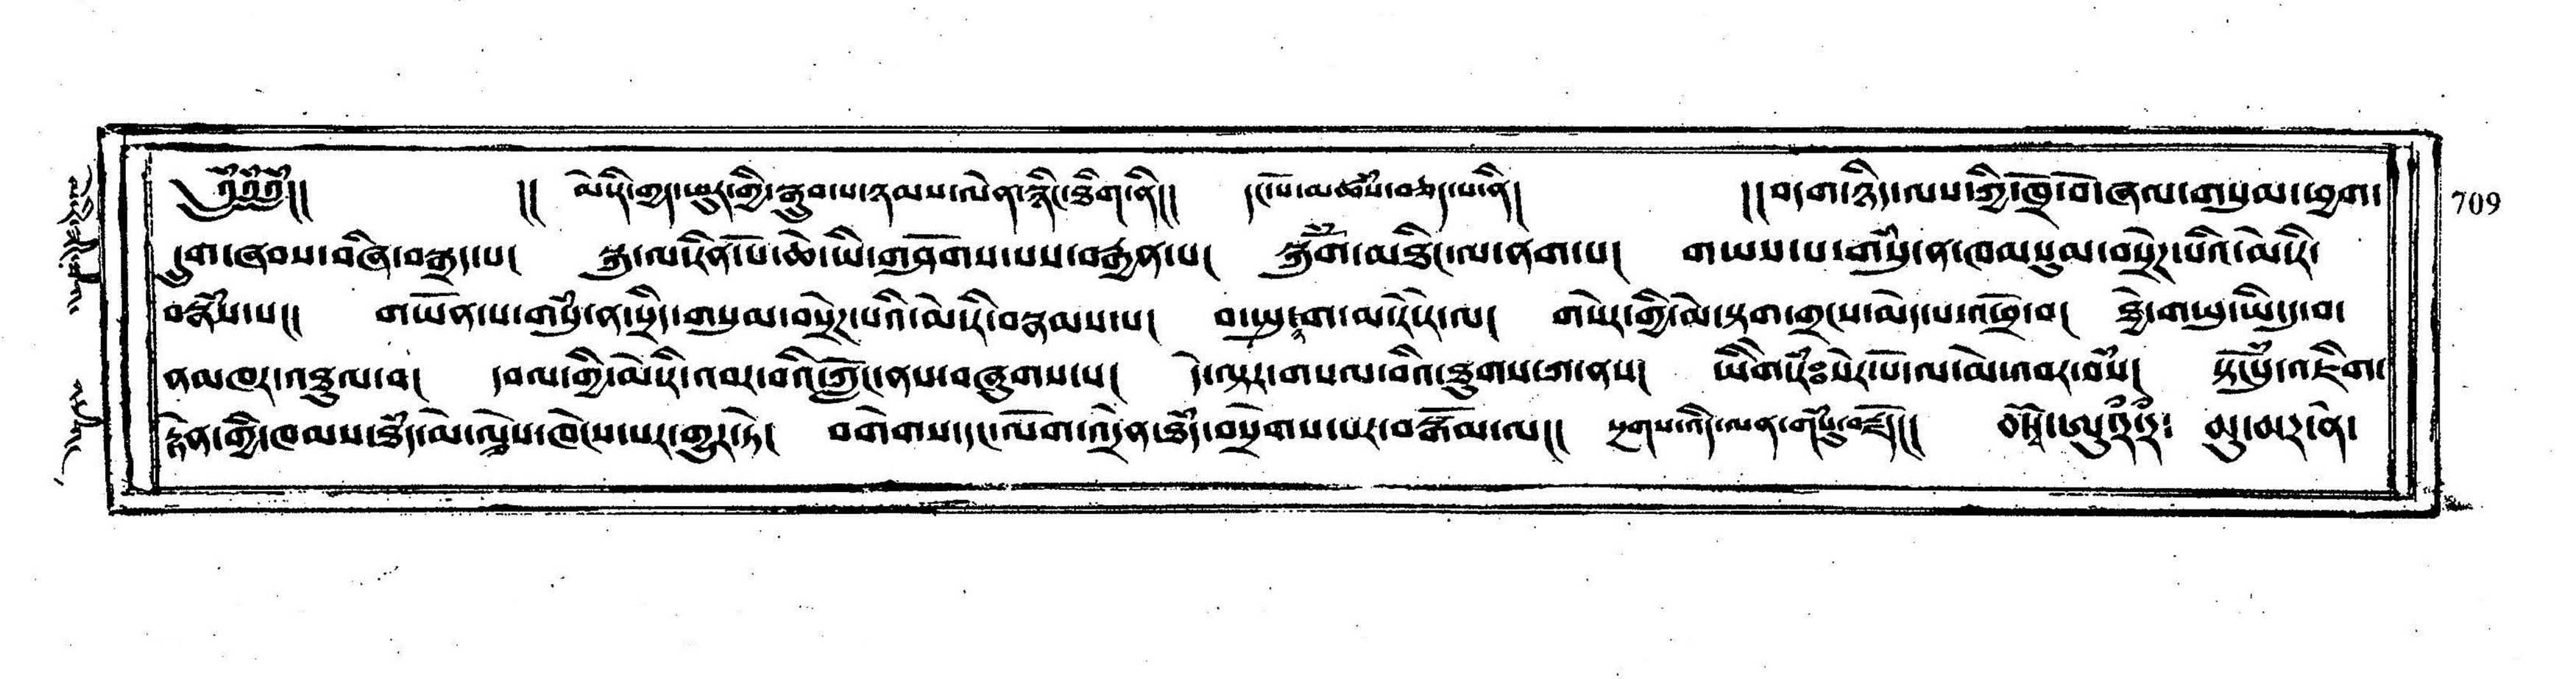{731}༄༅༅།། །།མེ་རི་གྱད་ཕུར་གྱི་སྒྲུབ་པ་ཉམས་ལེན་སྙིང་ཐིག་ནི། དང་པོ་མཚམས་བཅད་པ་ནི། །།བདག་ཉིད་ལས་ཀྱི་ཁྲོ་བོ་ཞལ་གསུམ་ཕྱག་
དྲུག་ཞབས་བཞི་བསྒྲད་པ། སྐུ་ལ་རིན་པོ་ཆེ་ཡི་གཤོགས་པས་བརྒྱན་པ། སྐུ་མདོག་མཐིང་ལ་ནག་པ། གཡས་པ་གསུམ་ན་ཁམས་གསུམ་བསྲེགས་པའི་མེ་རི་
བསྣམས་པ།། གཡོན་པ་གསུམ་ན་སྲིད་གསུམ་བསྲེགས་པའི་མེ་རི་བསྣམས་པ། བ་སྤུ་ཉག་མ་རེ་རེ་ལ། གསེར་གྱི་མེ་སྟག་གྲངས་མེད་པ་འཕྲོ་བ། ཐུགས་རྗེ་གཡུ་ཡི་དུ་བ་
ནམ་མཁར་འཐུལ་བ། དབལ་གྱི་མེ་རི་འབར་བའི་ཀློང་ནས་བཞུགས་པ། དེ་ལྟར་གསལ་བའི་ཐུགས་ཀ་ནས། ཡི་གེ་རཾཿསེར་པོ་ལ་མེ་འབར་བསམ། སྟོང་གསུམ་འཇིག་
རྟེན་གྱི་ཁམས་ཐམས་ཅད་མེ་ལྕེས་ཁེངས་པར་གྱུར་ཏེ། བགེགས་དང་{732}ལོག་འདྲེན་ཐམས་ཅད་བསྲེགས་པར་བསྒོམ་ལ།། སྔགས་འདི་ལན་གསུམ་བརྗོད།། བསྭོ་ཨུ་རཾ་རཾ་མུ་མར་ནེ་